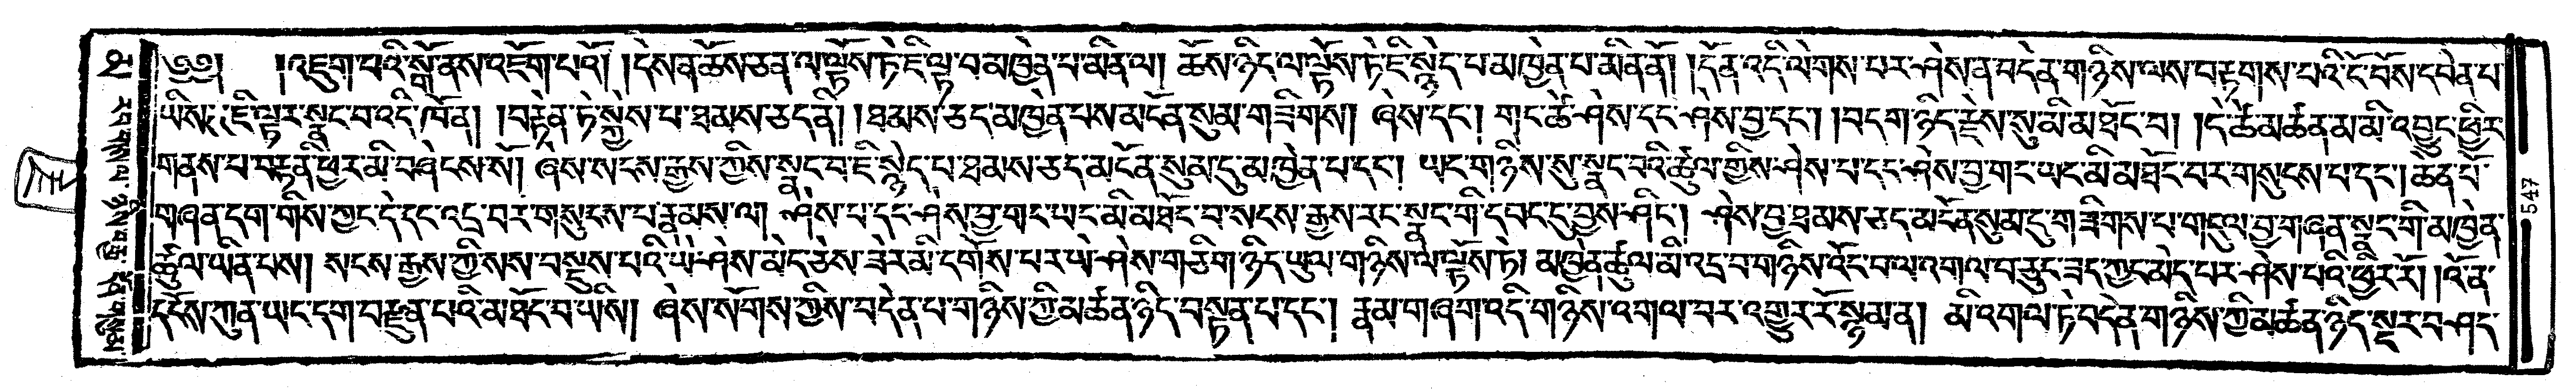༄༅། །འཇུག་པའི་སྒོ་ནས་འཇོག་པའོ། །དེས་ན་ཆོས་ཅན་ལ་ལྟོས་ཏེ་ཇི་ལྟ་བ་མཁྱེན་པ་མིན་ལ། ཆོས་ཉིད་ལ་ལྟོས་ཏེ་ཇི་སྙེད་པ་མཁྱེན་པ་མིན་ནོ། །དོན་འདི་ལེགས་པར་ཤེས་ན་བདེན་གཉིས་ལས་བརྟགས་པའི་ངོ་བོས་དབེན་པ་
ཡིས༑ ༑ཇི་ལྟར་སྣང་བ་འདི་ཁོ་ན། །བརྟེན་ཏེ་སྐྱེས་པ་ཐམས་ཅད་ནི། །ཐམས་ཅད་མཁྱེན་པས་མངོན་སུམ་གཟིགས། ཞེས་དང་། གང་ཚེ་ཤེས་དང་ཤེས་བྱ་དང་། །བདག་ཉིད་རྗེས་སུ་མི་མཐོང་བ། །དེ་ཚེ་མཚན་མ་མི་འབྱུང་ཕྱིར།།
གནས་པ་བརྟན་ཕྱིར་མི་བཞེངས་སོ། ཞེས་སངས་རྒྱས་ཀྱིས་སྣང་བ་ཇི་སྙེད་པ་ཐམས་ཅད་མངོན་སུམ་དུ་མཁྱེན་པ་དང་། ཡང་གཉིས་སུ་སྣང་བའི་ཚུལ་གྱིས་ཤེས་པ་དང་ཤེས་བྱ་གང་ཡང་མི་མཐོང་བར་གསུངས་པ་དང་། ཆེན་པོ་
གཞན་དག་གིས་ཀྱང་དེ་དང་འདྲ་བར་གསུངས་པ་རྣམས་ལ། ཤེས་པ་དང་ཤེས་བྱ་གང་ཡང་མི་མཐོང་བ་སངས་རྒྱས་རང་སྣང་གི་དབང་དུ་བྱས་ཤིང་། ཤེས་བྱ་ཐམས་ཅད་མངོན་སུམ་དུ་གཟིགས་པ་གདུལ་བྱ་གཞན་སྣང་གི་མཁྱེན་
ཚུལ་ཡིན་པས། སངས་རྒྱས་ཀྱི་སས་བསྡུས་པའི་ཡེ་ཤེས་མེད་ཅེས་ཟེར་མི་དགོས་པར་ཡེ་ཤེས་གཅིག་ཉིད་ཡུལ་གཉིས་ལ་ལྟོས་ཏེ། མཁྱེན་ཚུལ་མི་འདྲ་བ་གཉིས་འོང་བ་ལ་འགལ་བ་ཅུང་ཟད་ཀྱང་མེད་པར་ཤེས་པའི་ཕྱིར་རོ། །འོ་ན་
དངོས་ཀུན་ཡང་དག་བརྫུན་པའི་མཐོང་བ་ཡིས། ཞེས་སོགས་ཀྱིས་བདེན་པ་གཉིས་ཀྱི་མཚན་ཉིད་བསྟན་པ་དང་། རྣམ་གཞག་འདི་གཉིས་འགལ་བར་འགྱུར་རོ་སྙམ་ན། མི་འགལ་ཏེ་བདེན་གཉིས་ཀྱི་མཚན་ཉིད་སྔར་བཤད་